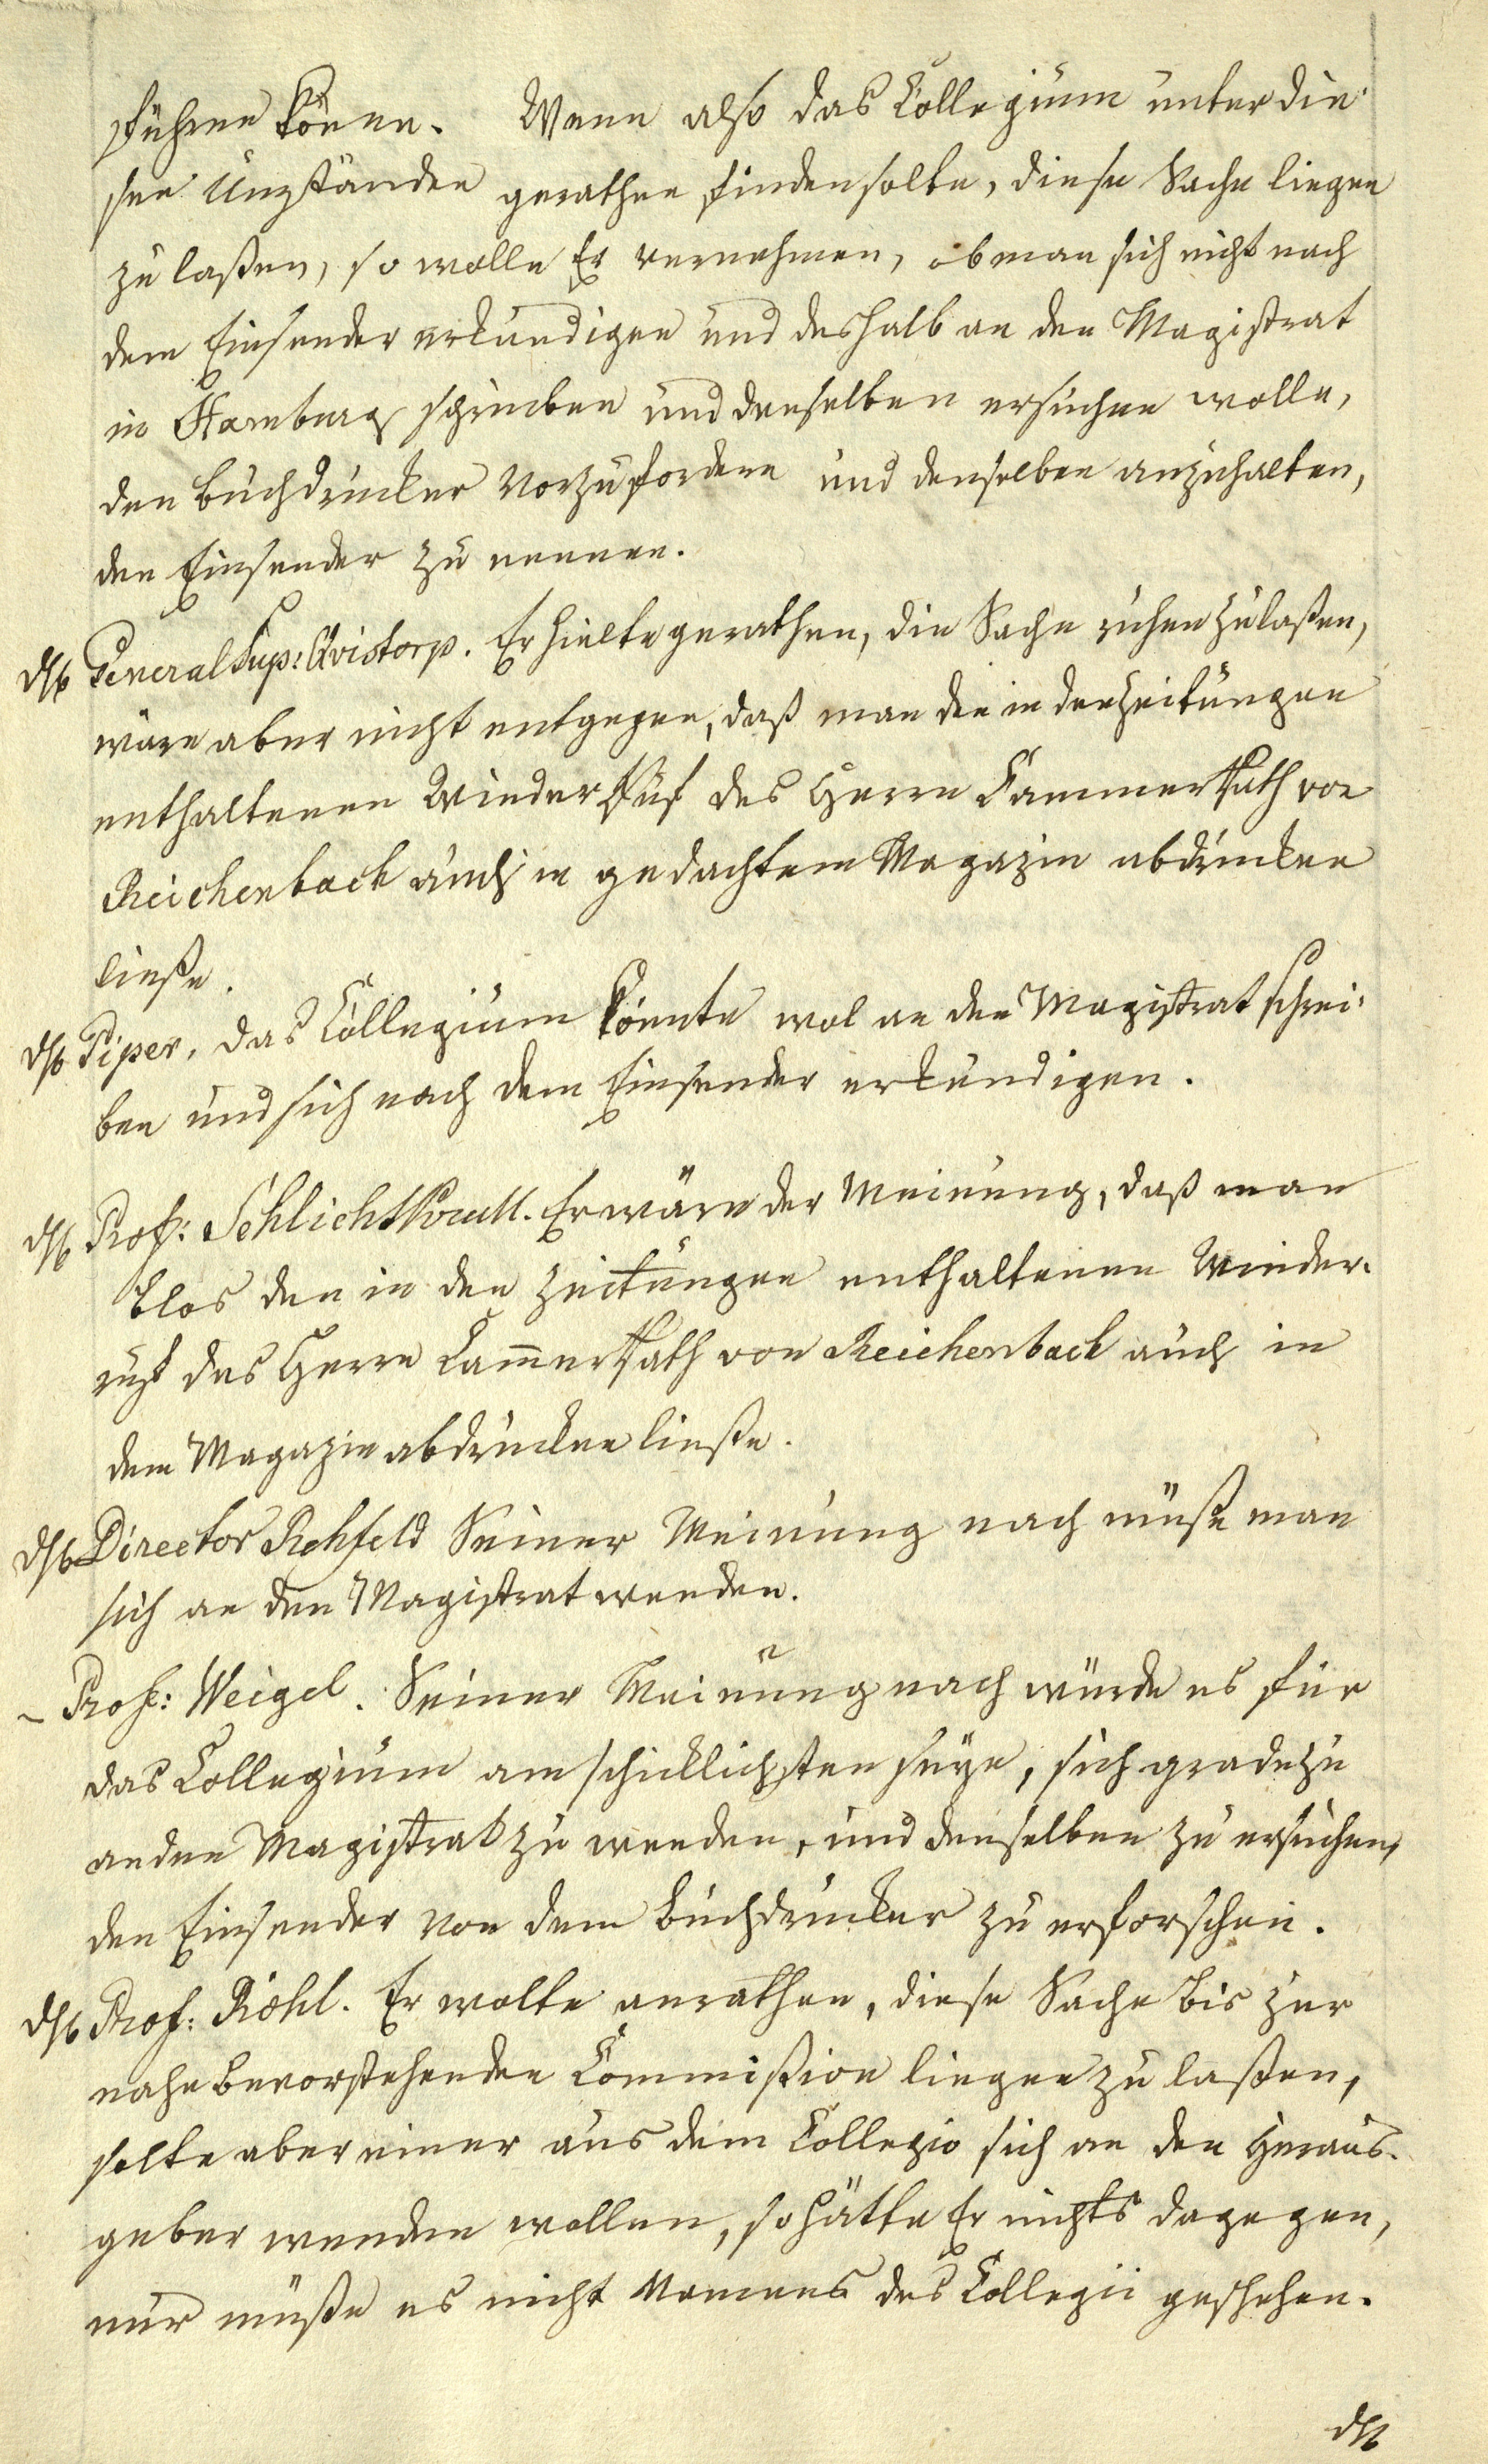führen könne. Wenn also das Collegium unter die¬
sen Umständen gerathen finden solte, diese Sache liegen
zu lassen, so wolle Er vernehmen, ob man sich nicht nach
dem Einsender erkundigen und deshalb an den Magistrat
in Hamburg schreiben und denselben ersuchen wolle,
den Buchdrucker vorzufordern und denselben anzuhalten,
den Einsender zu nennen.
dh GeneralSup Quistorp. Er hielte gerathen, die Sache ziehen zulaßen,
wäre aber nicht entgegen, daß man den in den Zeitungen
enthaltenen WiederRuf des Herrn CammerRath von
Reichenbach auch in gedachtem Magazin abdrucken
lie.ße
dh. Piper, Das Collegium könnte wol an den Magistrat schrei¬
ben und sich nach dem Einsender erkundigen.
dh Prof. Schlichtkrull. Er wäre der Meinung, daß man
blos den in den Zeitungen enthaltenen Wieder¬
ruf des Herrn CamerRath von Reichenbach auch in
dem Magazin abdrucken ließe.
dh Director Rehfeld Seiner Meinung nach müße man
sich an den Magistrat wenden.
Prof. Weigel. Seiner Meinung nach würde es für
das Collegium am schicklichsten seÿn, sich gradezu
an den Magistrat zu wenden, und denselben zu ersuchen,
den Einsender von dem Buchdrucker zu erforschen.
dh Prof. Röhl. Er wolle anrathen, diese Sache bis zur
nahe bevorstehenden Commission liegen zu laßen,
solte aber einer aus dem Collegio sich an den Heraus¬
geber wenden wollen, so hätte Er nichts dagegen,
nur müße es nicht Namens des Collegii geschehen.
dh